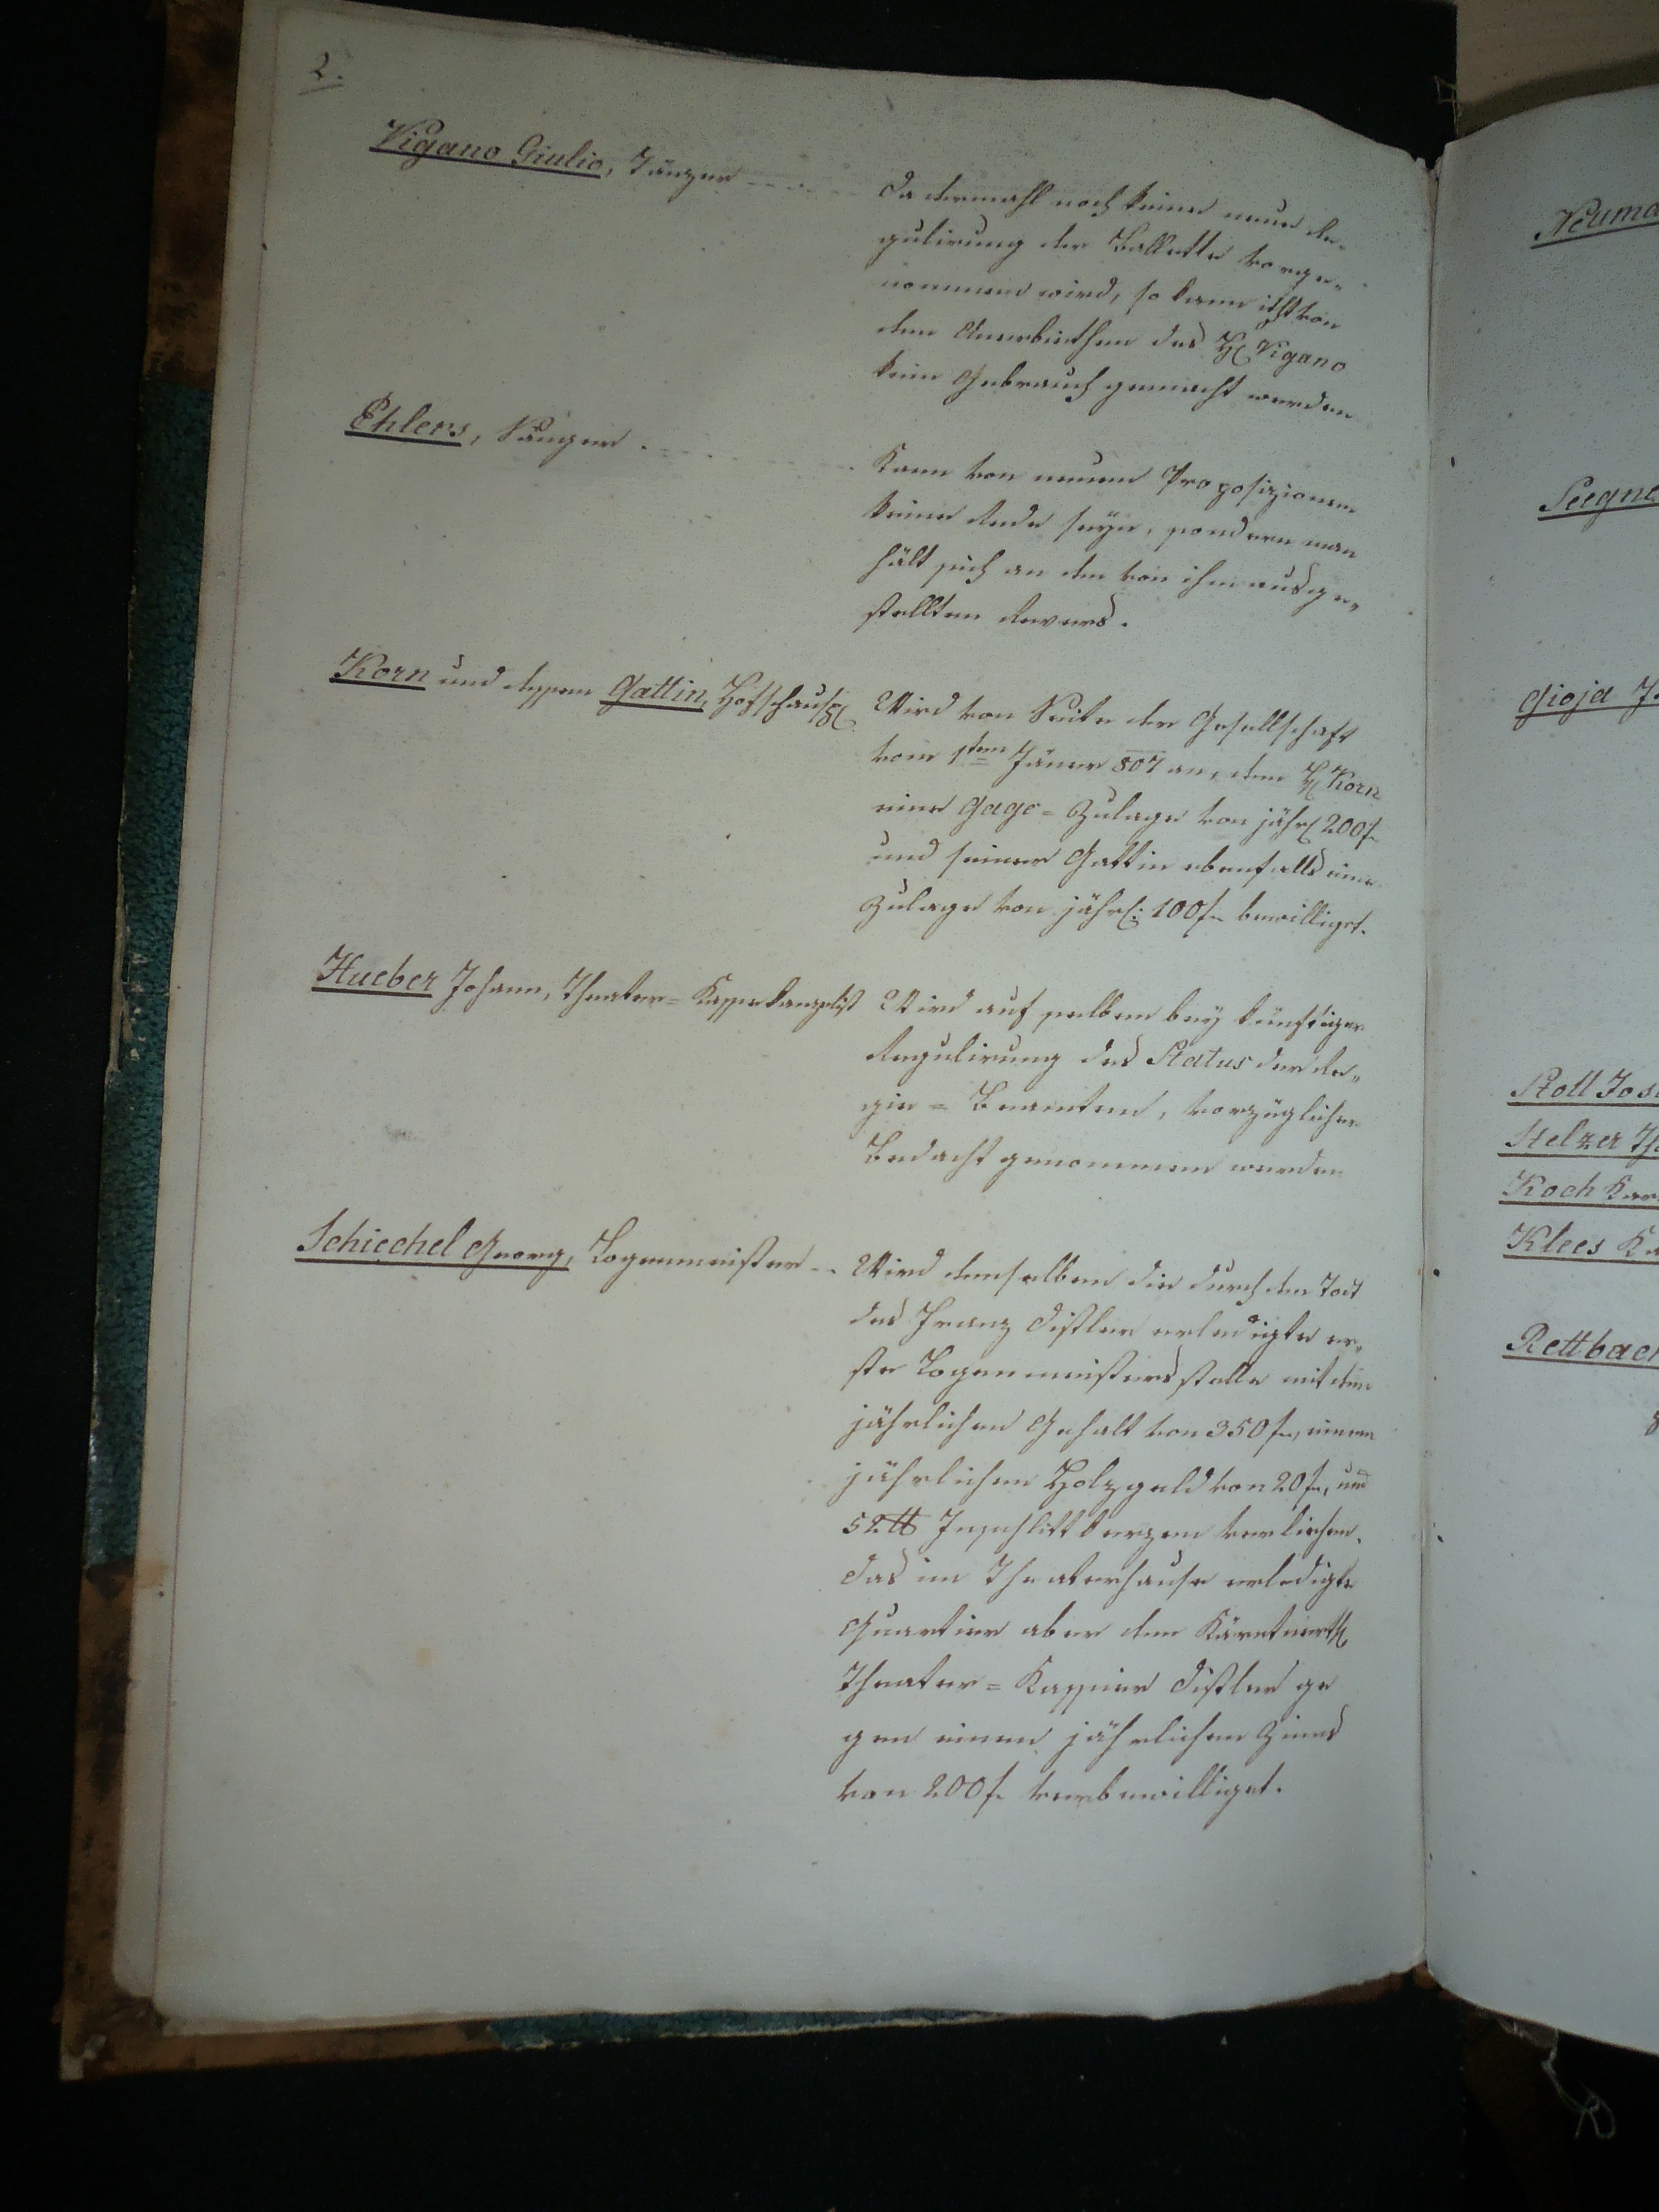2.
Vigano Giulio, Tänzer …… Da dermahl noch keine neue Re¬
gulirung der Balette vorge¬
nommen wird, so kann itzt von
den Anerbiethen des HE Vigano
kein Gebrauch gemacht werden.
Ehlers, Sänger ….. …. Kann von neuen Progofizionen
keine Rede seyn, sondern man
hält sich an den von ihm ausge¬
stellten Revers.
Korn und dessen Gattin, HofschauspE Wird von Seite der Gesellschaft
vom 1te͇m Jäner 8͞0͞7 an den HE Korn
eine Gage=Zulage von jährE 200 fn
und seiner Gattin ebenfalls eine
Zulage von jährE: 100 fn bewilliget.
Hueber Johann, Theater=Kassekanzelist Wird auf selben bey künftiger
Regulirung des Status der Re¬
gie = Beamten, vorzüglicher
Bedacht genommen werden
Schiechel Georg, Logenmeister .. Wird demselben die durch den Todt
des Franz Distler erledigte er¬
ste Logenmeistersstelle mit dem
jährlichen Gehalt von 350 fn, einem
jährlichen Holzgeld von 20 fn, und
52 lb Jnschlittkerzen verliehen.
Das im Theaterhause erledigte
Quartier aber dem KärntnerthE
Theater=Kassier Distler ge¬
gen einen jährlichen Zins
von 200 fn verbewilliget.